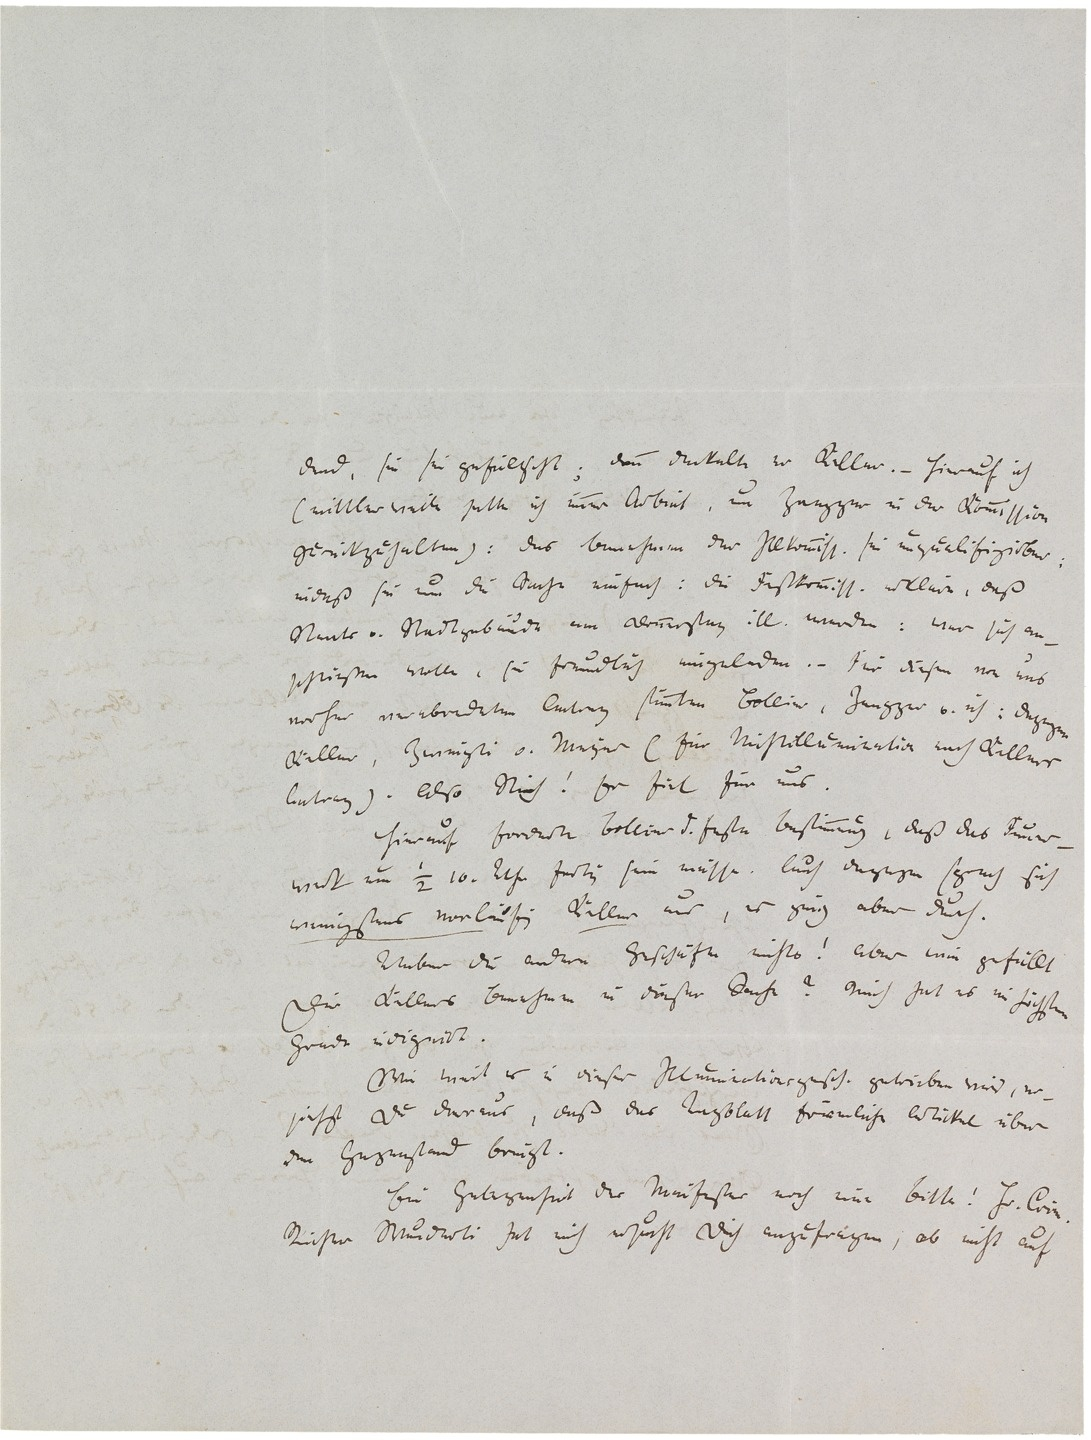dend, sie sei gefälscht; dann deckelte er Keller. – Hierauf ich
(mittler weile hatte ich immer Arbeit, um Zangger in der Kommission
zurückzuhalten): das Benehmen der Illkommiss. sei unqualifizirbar;
indeß sei nun die Sache einfach: die Festkommiss. erkläre, daß
Staats &. Stadtgebäude am Donnerstag ill. werden: wer sich an-
schließen wolle, sei freundlich eingeladen. – Für diesen von uns
vorher verabredeten Antrag stimmten Bollier, Zangger &. ich: dagegen
Keller, Zwingli &.Meyer (für Nichtillumination nach Kellers
Antrag). Also Stich! Er fiel für uns.
Hierauf forderte Bollier d. feste Bestimmung, daß das Feuer-
werk um ½ 10. Uhr fertig sein müsse. Auch dagegen sprach sich
wenigstens vorläufig Keller aus, es ging aber durch.
Ueber die andern Geschäfte nichts! Aber wie gefällt
Dir Kellers Benehmen in dieser Sache? Mich hat es im höchsten
Grade indignirt.
Wie weit es in dieser Illuminationsgesch. getrieben wird, er-
siehst Du daraus, daß das Tagblatt förmliche Artickel über
den Gegenstand bringt.
Bei Gelegenheit des Maifestes noch eine Bitte! Hr. Crim.
Richter Wunderli hat mich ersucht Dich anzufragen, ob nicht auf